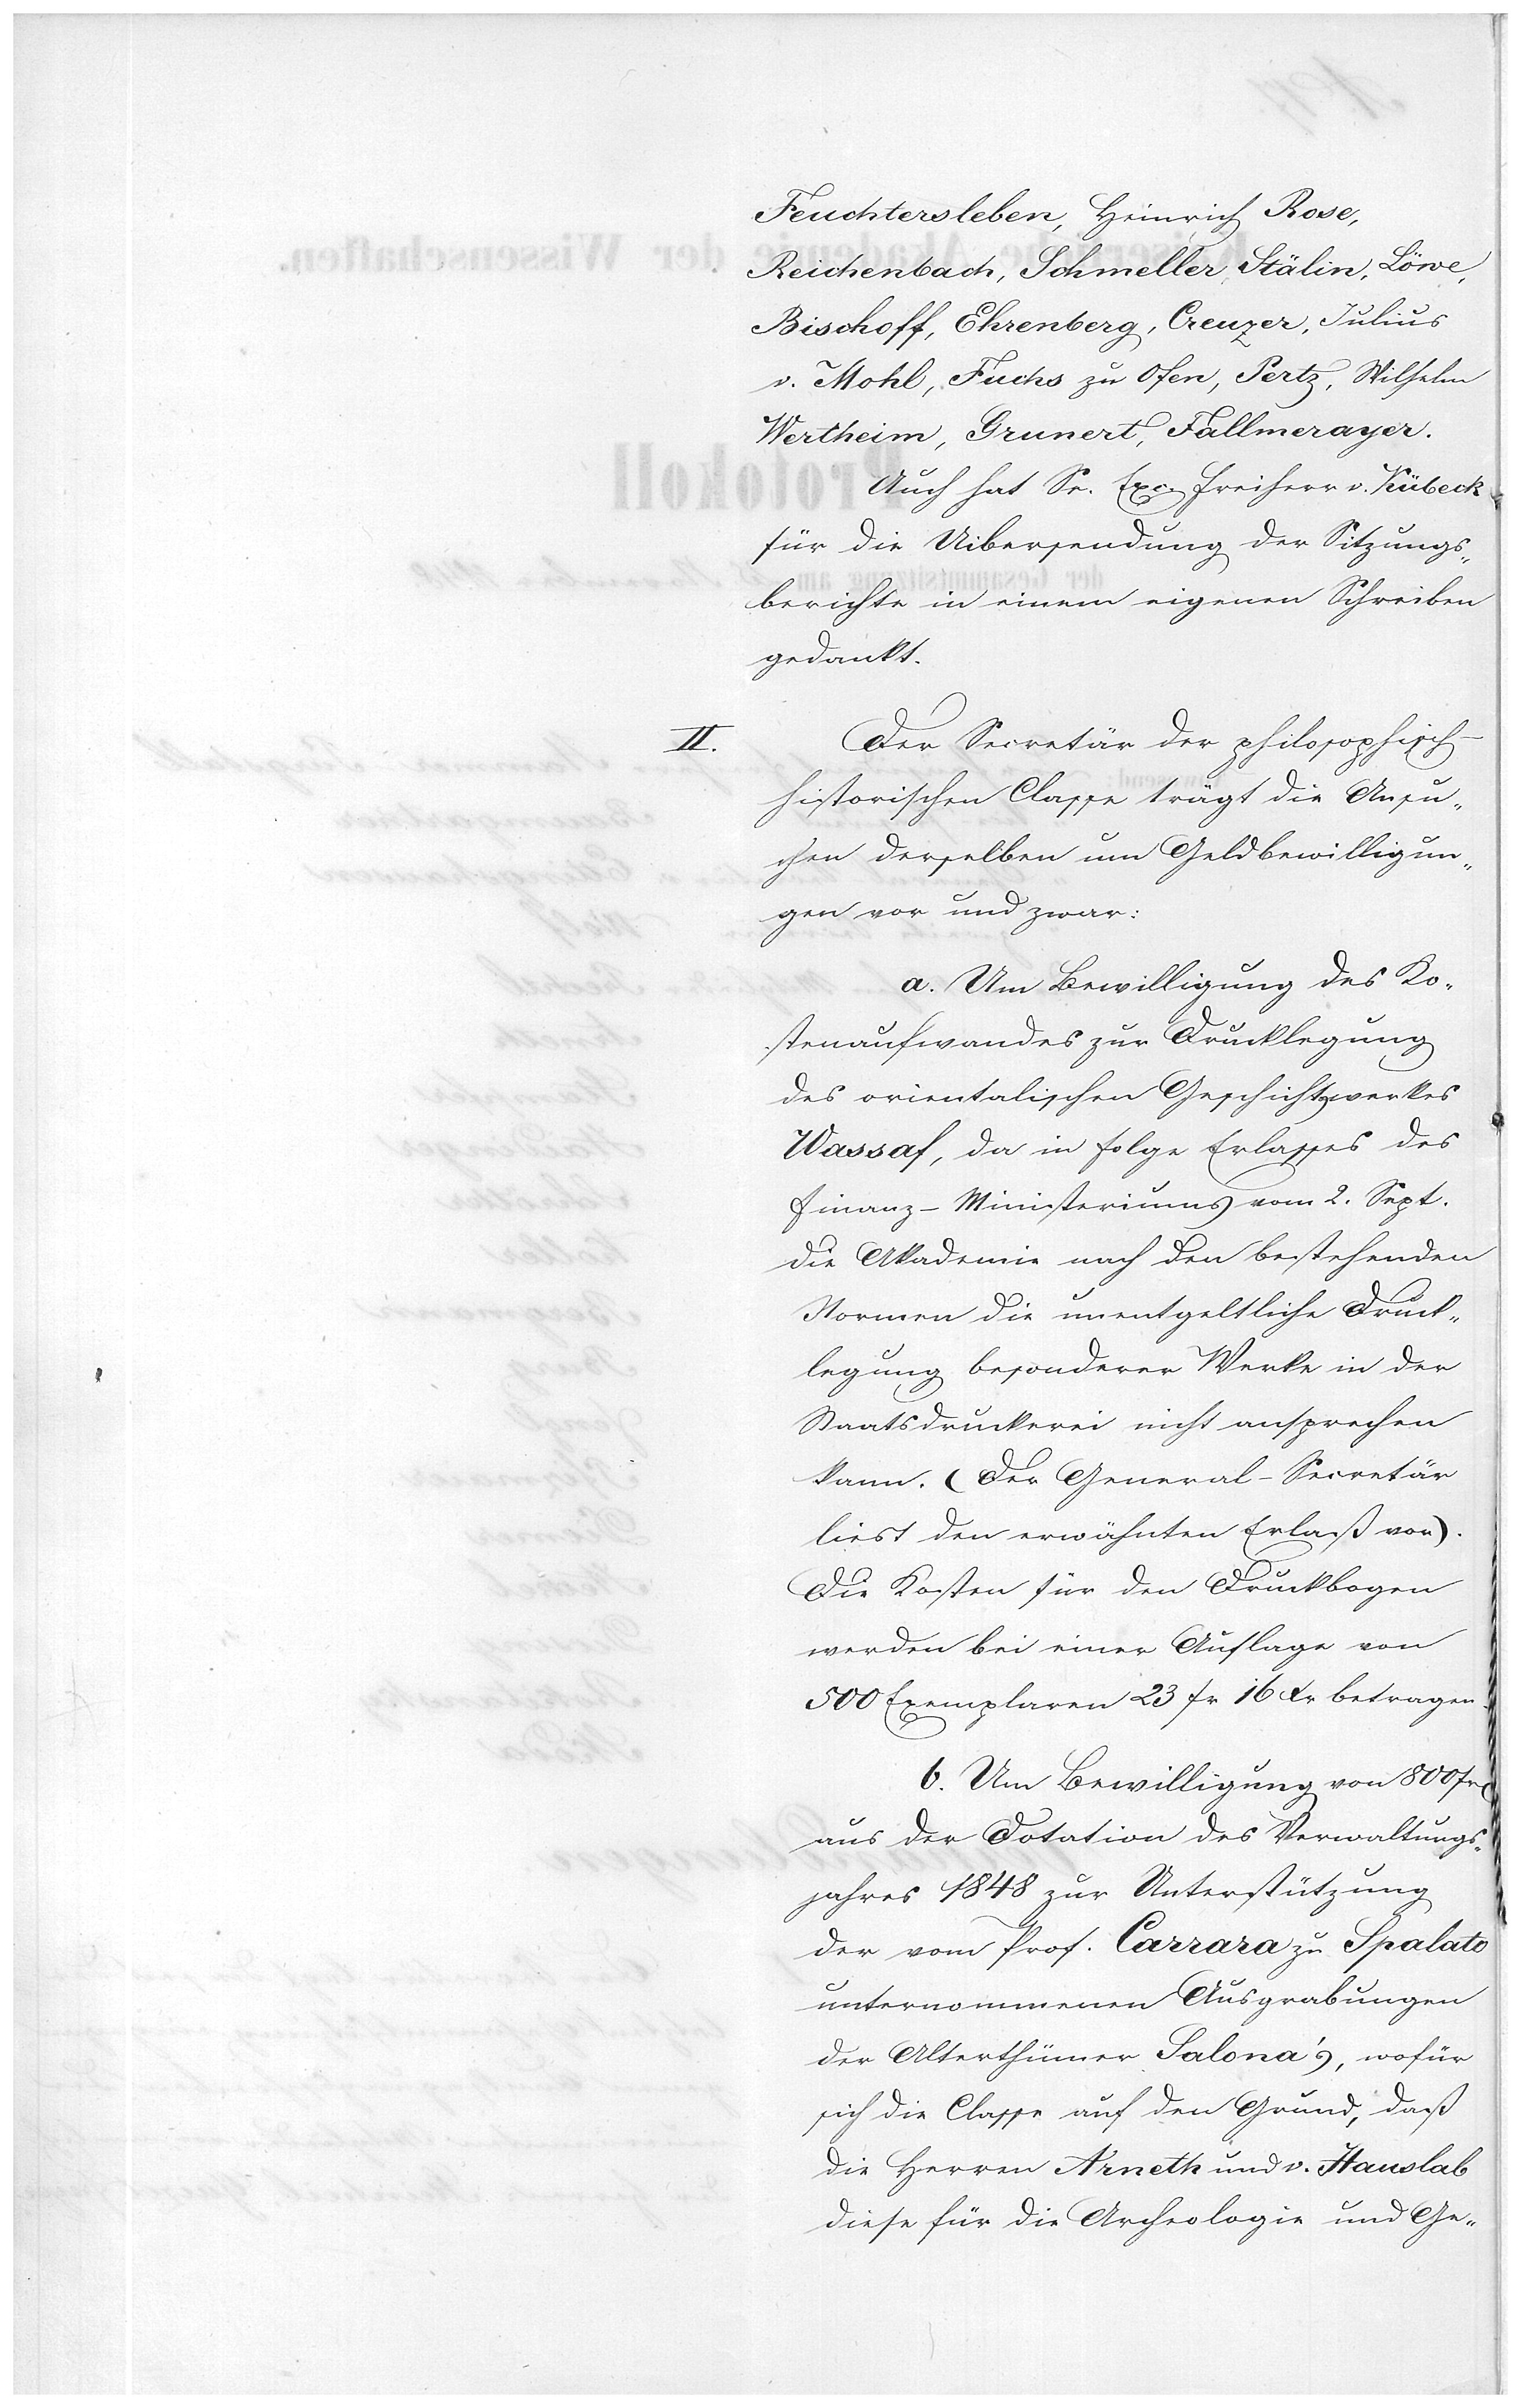Feuchtersleben, Heinrich Rose,
Reichenbach, Schmeller, Stälin, Löwe,
Bischoff, Ehrenberg, Creuzer, Julius
v. Mohl, Fuchs zu Ofen, Pertz, Wilhelm
Wertheim, Grunert, Fallmerayer.
Auch hat Sr. Exc. Freiherr v. Kübeck
für die Uibersendung der Sitzungs-
berichte in einem eigenen Schreiben
gedankt.
Der Secretär der philosophisch-
historischen Classe trägt die Ansu-
chen derselben und Geldbewilligun-
gen vor und zwar:
II.
a. Um Bewilligung des Ko-
stenaufwandes zur Drucklegung
des orientalischen Geschichtswerkes
Wassaf, da in Folge Erlasses des
Finanz-Ministeriums vom 2. Sept.
die Akademie nach den bestehenden
Normen die unentgeltliche Druck-
legung besonderer Werke in der
Staatsdruckerei nicht ansprechen
kann. (Der General-Secretär
liest den erwähnten Erlaß vor).
Der Kosten für den Druckbogen
werden bei einer Auflage von
500 Exemplaren 23 fr 16 kr betragen.
b. Um Bewilligung von 800 fr
aus der Dotation des Verwaltungs-
jahres 1848 zur Unterstützung.
der vom Prof. Carrara zu Spalato
unternommenen Ausgrabungen
der Alterthümer Salona's, wofür
sich die Classe auf den Grund, daß
die Herren Arneth und v. Hauslab
diese für die Archeologie und Ge-